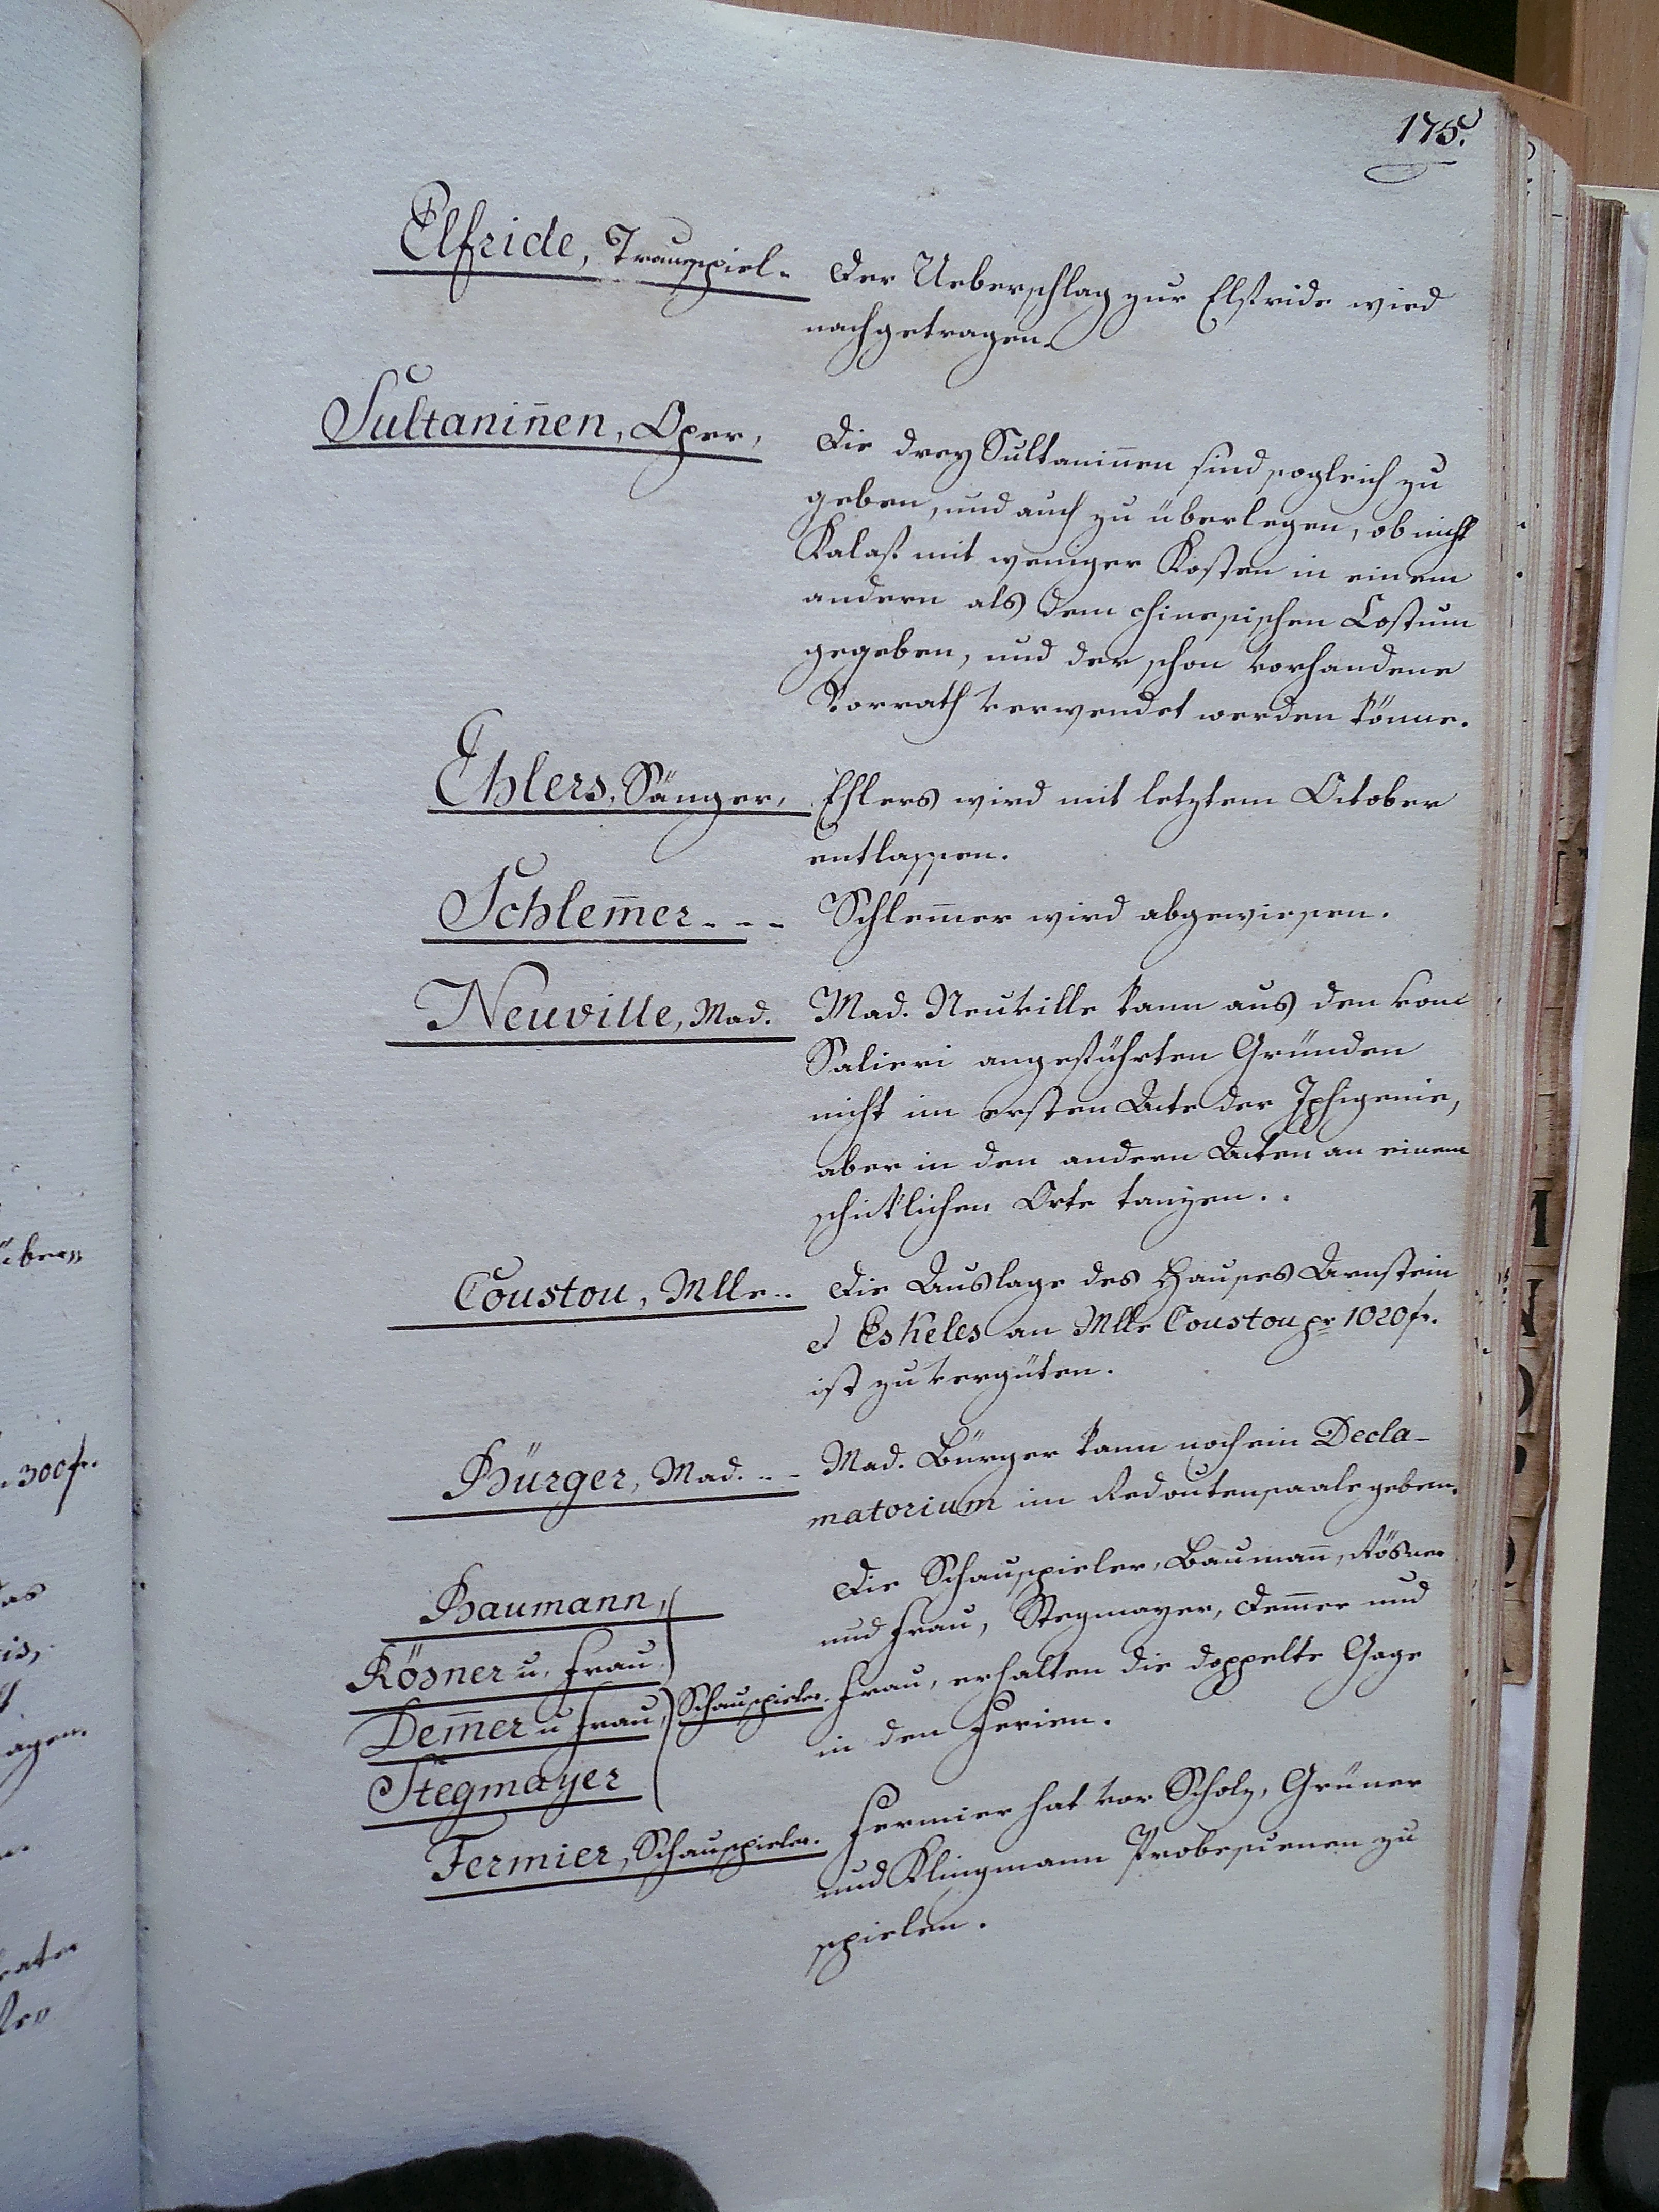175.
Elfride, Trauerspiel. Der Ueberschlag zur Efride wird
nachgetragen.
Sultanin̅en, Oper. Die drey Sultanin̅en sind sogleich zu
geben, und auch zu überlegen, ob nicht
Kalaf mit wenigen Kosten in einem
andern als dem chisesischen Costum
gegeben, und der schon vorhandene
Vorrath verwendet werden könne.
Ehlers, Sänger. Ehlers wird mit letzten October
entlassen.
Schlem̅er .. .. .. Schlem̅er wird abgewiesen.
Neuville, Mad. Mad. Neuville kann aus den vom
Salieri angeführten Gründen
nicht im ersten Acte der Iphigenie,
aber in den andern Acten an einem
schicklichen Orte tanzen.
Coustou, Mlle.. Die Auslage des Hauses Arnstein
et Eskeles an Mlle Coustou pr͇ 1020fr.
ist zu vergüten.
Bürger, Mad. .. .. Mad. Bürger kann noch ein Decla¬
matorium im Redoutensaale geben.
Baumann,
Rösner u. Frau
Dem̅er u Frau,
Stegmayer
Schauspieler.
Die Schauspieler: Bauman̅, Rösner
und Frau, Stegmayer, Dem̅er und
Frau, erhalten die doppelte Gage
in den Ferien.
Fermier, Schauspieler. Fermier hat vor Scholz, Grüner
und Klingmann Probescenen zu
spielen.